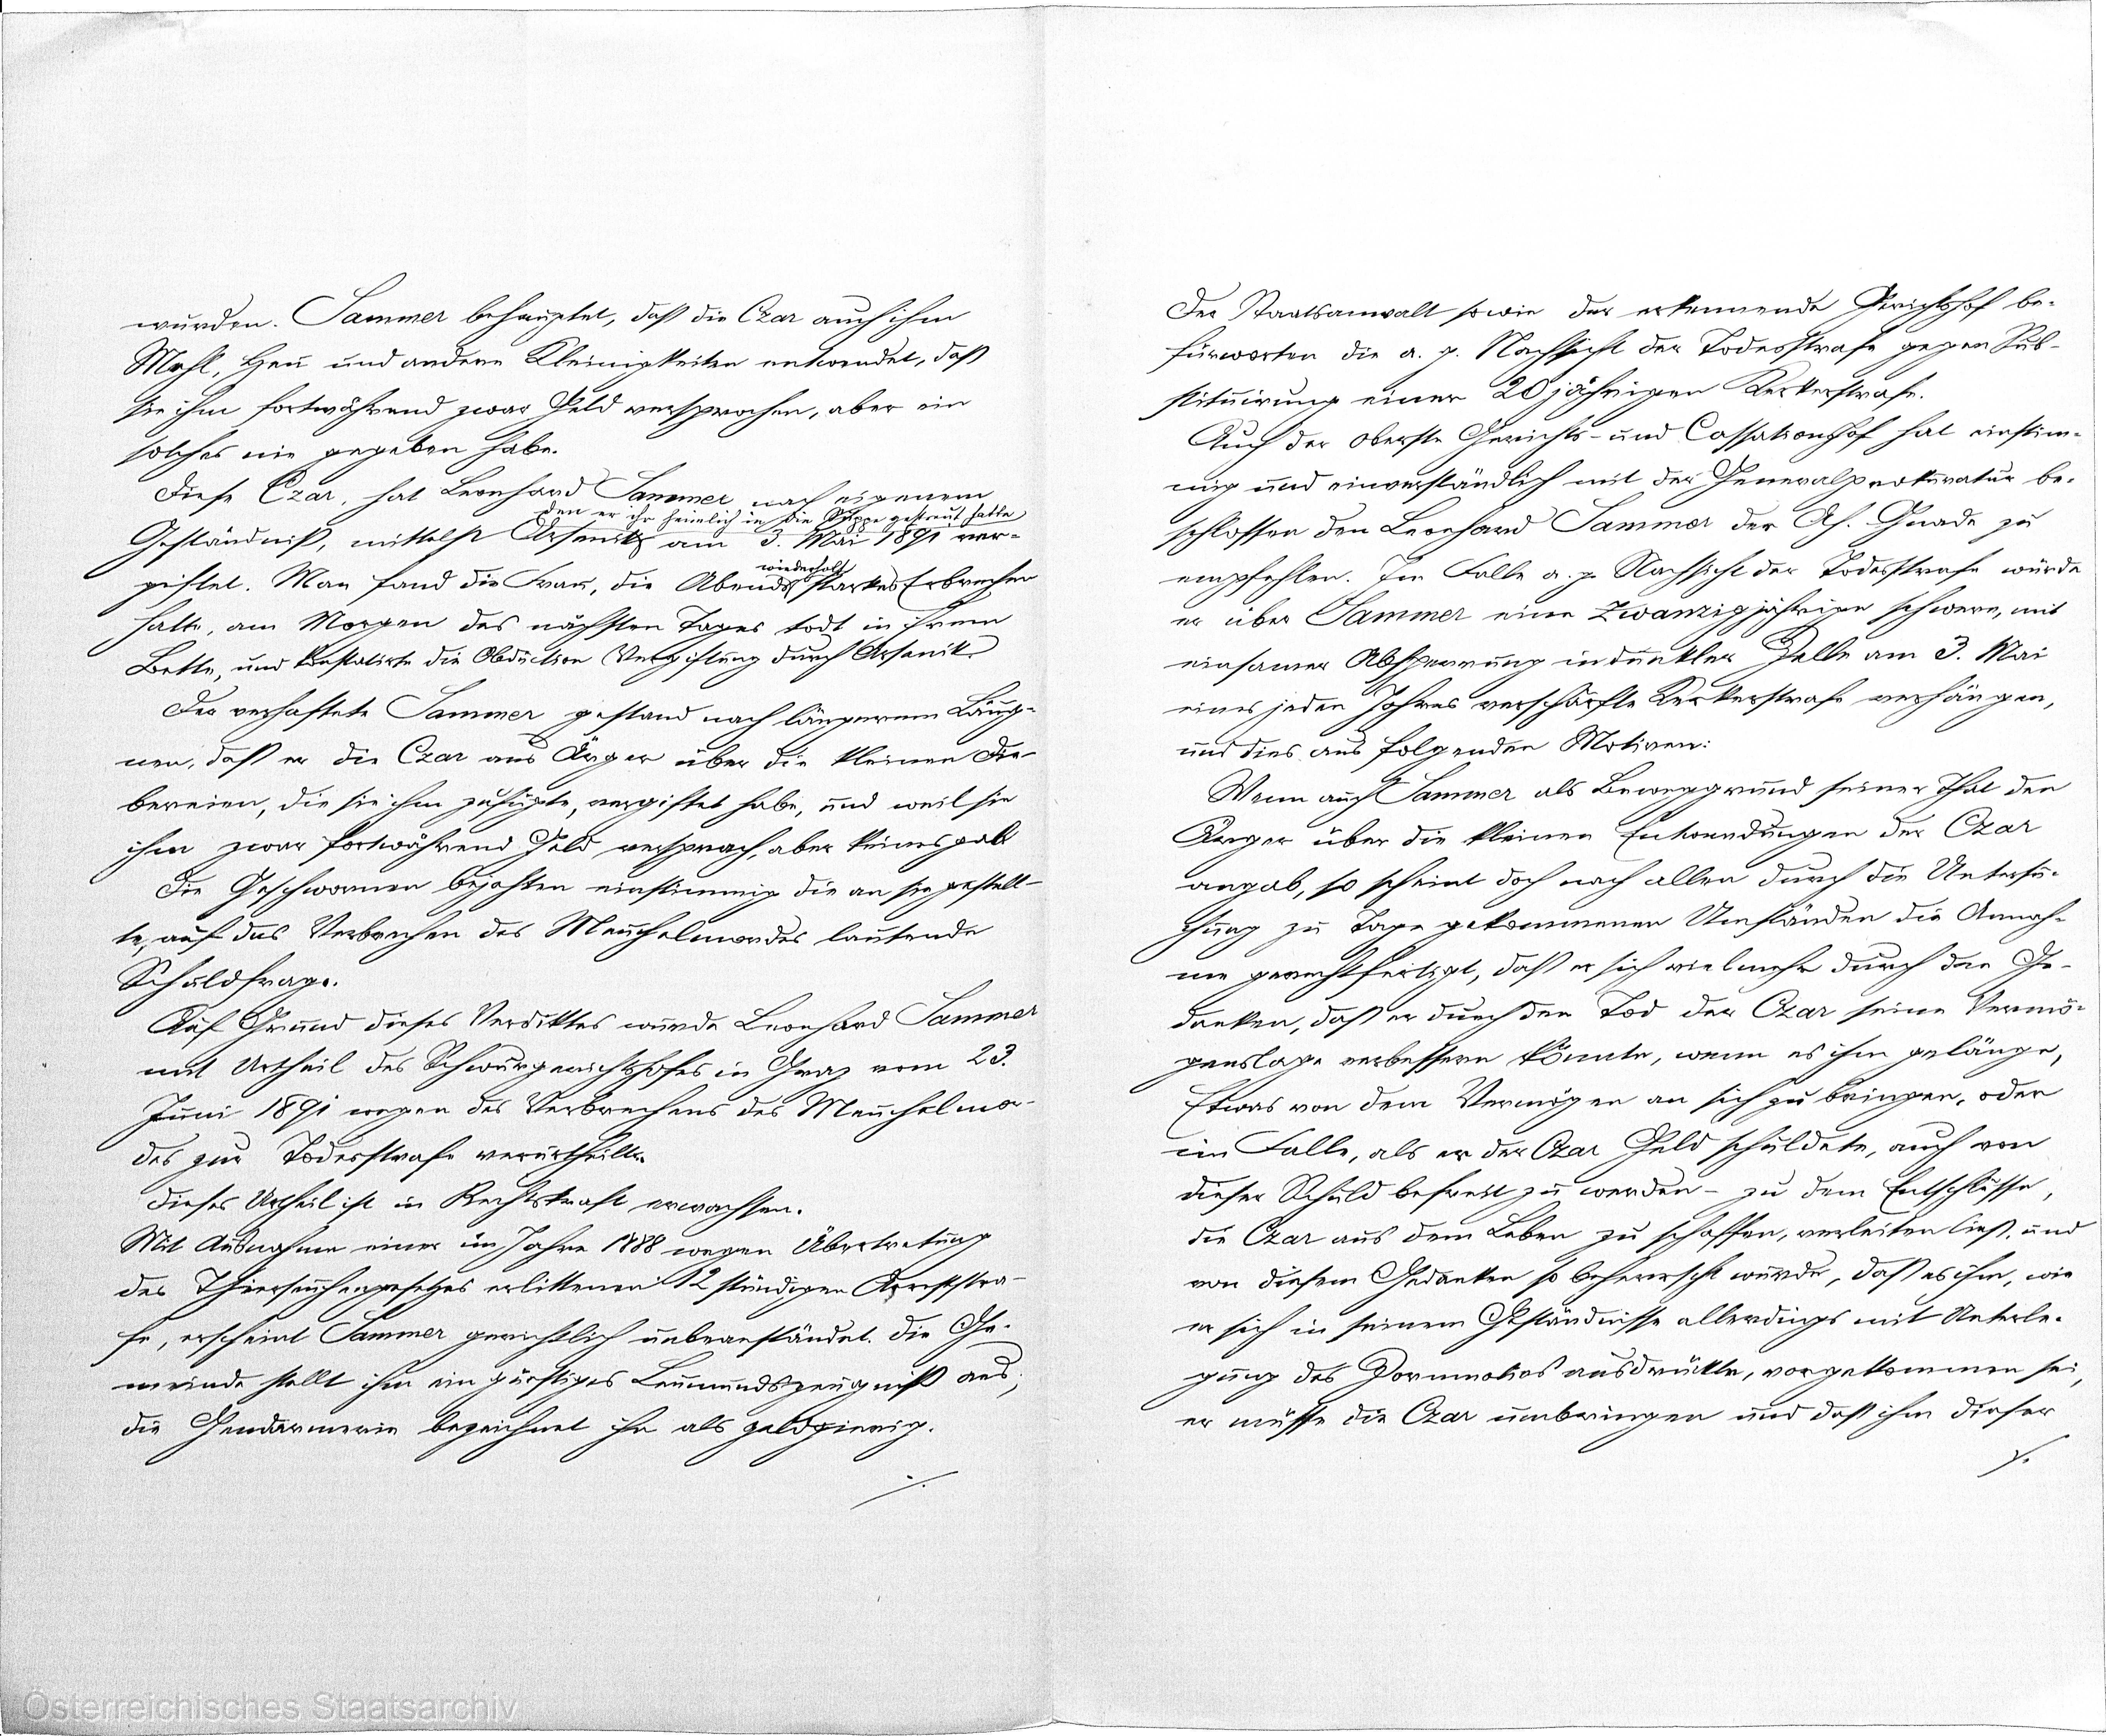wurden. Sammer behauptet, daß die Czar auch ihm
Mehl, Heu und andere Kleinigkeiten entwendet, daß
sie ihm fortwährend zwar Geld versprochen, aber ein
solches nie gegeben habe.
Diese Czar, hat Leonhard Sammer nach eigenem
den er ihr heimlich in die Suppe gestreut hatte
Geständniß, mittels Arsenik, am 3. Mai 1891 ver¬
wiederholt
giftet. Man fand die Frau, die Abends starkes Erbrechen
hatte, am Morgen des nächsten Tages todt in ihrem
Bette, und konstatirte die Obduction Vergiftung durch Arsenik.
Der verhaftete Sammer gestand nach längerem Läug¬
nen, daß er die Czar aus Ärger über die kleinen Die¬
bereien, die sie ihm zufügte, vergiftet habe, und weil sie
ihm zwar fortwährend Geld versprach, aber keines gab.
Die Geschworenen bejahten einstimmig die an sie gestell¬
te, auf das Verbrechen des Meuchelmordes lautende
Schuldfrage.
Auf Grund dieses Verdiktes wurde Leonhard Sammer
mit Urtheil des Schwurgerichtshofes in Graz vom 23.
Juni 1891 wegen des Verbrechens des Meuchelmor¬
des zur Todesstrafe verurtheilte.
Diese Urtheil ist in Rechtskraft erwachsen.
Mit Ausnahme einer im Jahre 1888 wegen Übertretung
des Thierseucungsgesetzes erlittenen 12stündigen Arreststra¬
fe, erscheint Sammer gerichtlich unbeanständet. Die Ge¬
meinde stellt ihm ein günstiges Leumundszeugniß aus;
die Gendarmerie bezeichnet ihn als geldgierig.
Der Staatsanwalt so wie der erkennende Gerichtshof be¬
fürworten die a.g. Nachsicht der Todesstrafe gegen Sub¬
stituirung einer 20jährigen Kerkerstrafe.
Auch der Oberste Gerichts- und Cassationhshof hat einstim¬
mig und einverständlich mit der Generalprokuratur be¬
schlossen den Leonhard Sammer der Ah. Gnade zu
empfehlen. Im Falle a.g. Nachsicht der Todesstrafe würde
er über Sammer eine zwanzigjährigen schwere, mit
einsamer Absperrung in dunkler Zelle am 3. Mai
eines jeden Jahres verschürfte Kerkerstrafe verhängen,
und dies aus folgenden Motiven:
Wenn auch Sammer als Bewegunggrund seiner That den
Ärger über die kleinen Entwendungen der Czar
angab, so scheint doch nach allen durch die Untersu¬
chung zu Tage gekommenen Umständen die Annah¬
me gerechtfertigt, daß er sich vielmehr durch den Ge¬
danken, daß er durch den Tod der Czar seine Vermö¬
genslage verbessern könnte, wenn es ihm gelänge,
Etwas von dem Vermögen an sich zu bringen, oder
im Falle, als er der Czar Geld schuldete, auch von
dieser Schuld befreit zu werden – zu dem Entschlüsse,
die Czar aus dem Leben zu schaffen, verleiten ließ, und
von diesem Gedanken so beherrscht wurde, daß es ihm, wie
er sich in seinem Geständnisse allerdings mit Unterle¬
gung des Zornmotives ausdrückte, vorgekommen sei,
er müsse die Czar umbringen und daß ihm dieser